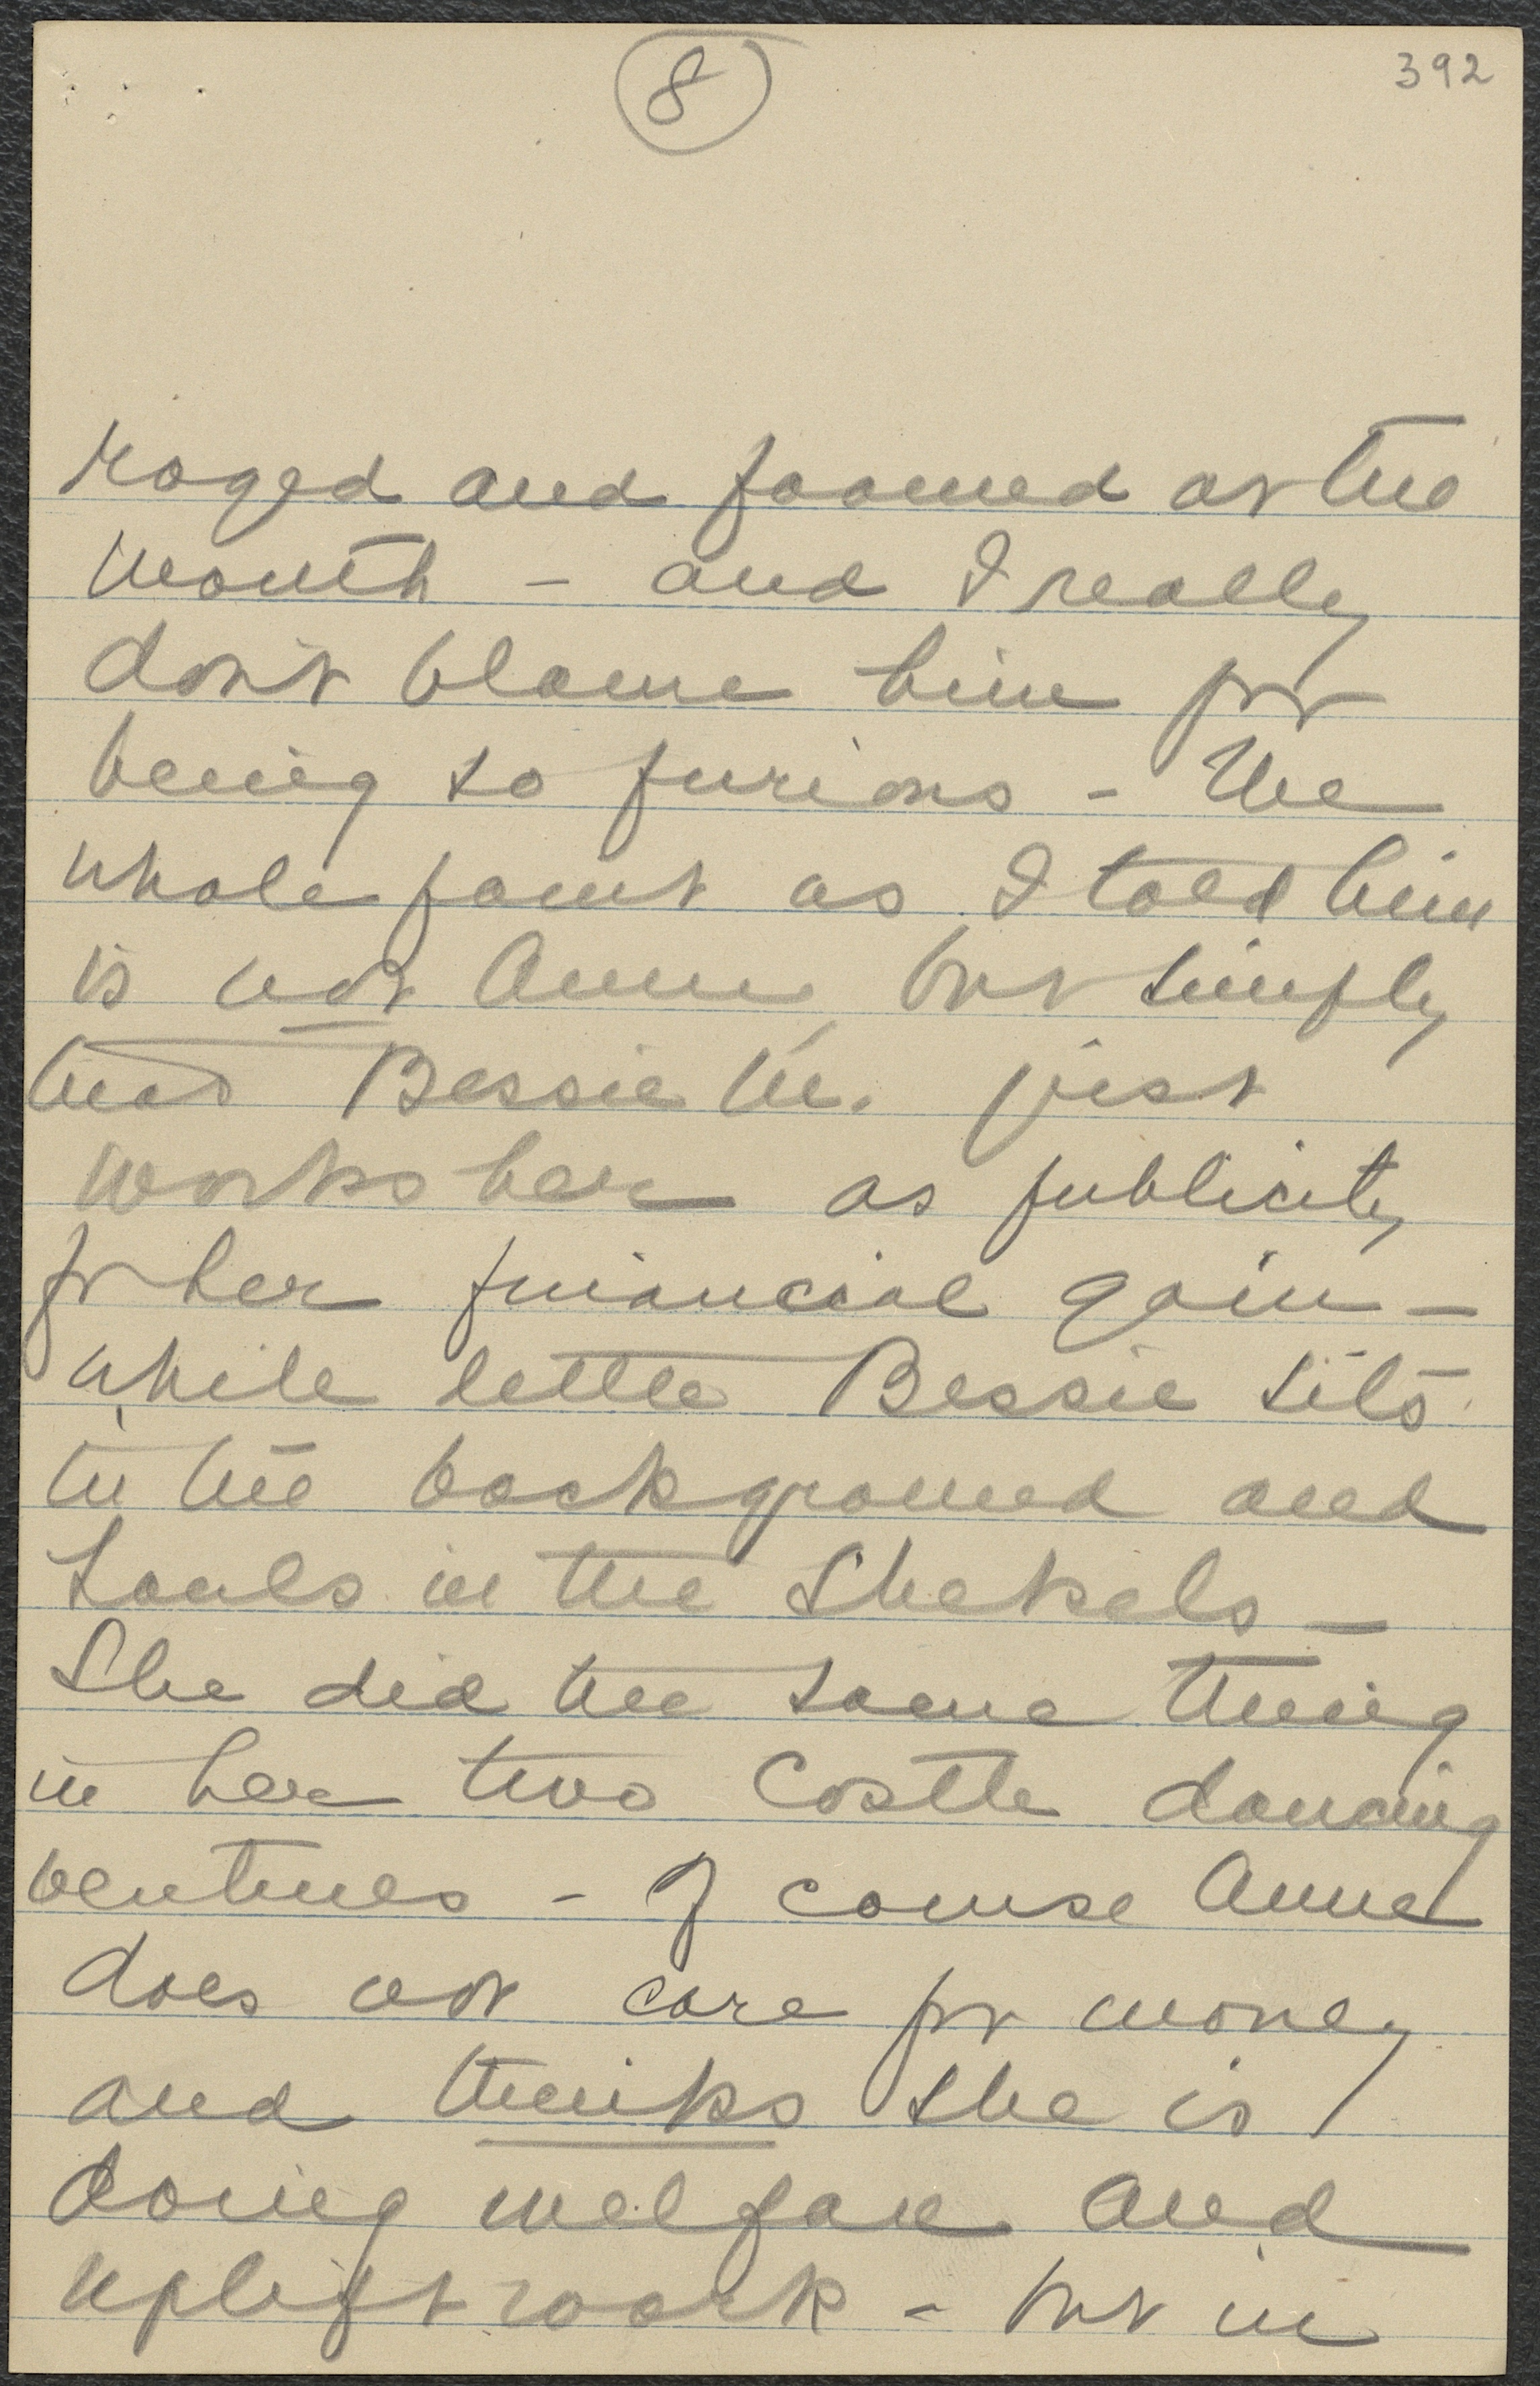raged and foamed at the mouth – and I really don’t blame him for being so furious – the whole point as I told him is not Anne, but simply that Bessie M. just works her as publicity for her financial gain – while little Bessie sits in the background and hauls in the shekels – She did the same thing in her two Castle dancing ventures – of course Anne does not care for money and thinks she is doing welfare and uplift work – but in